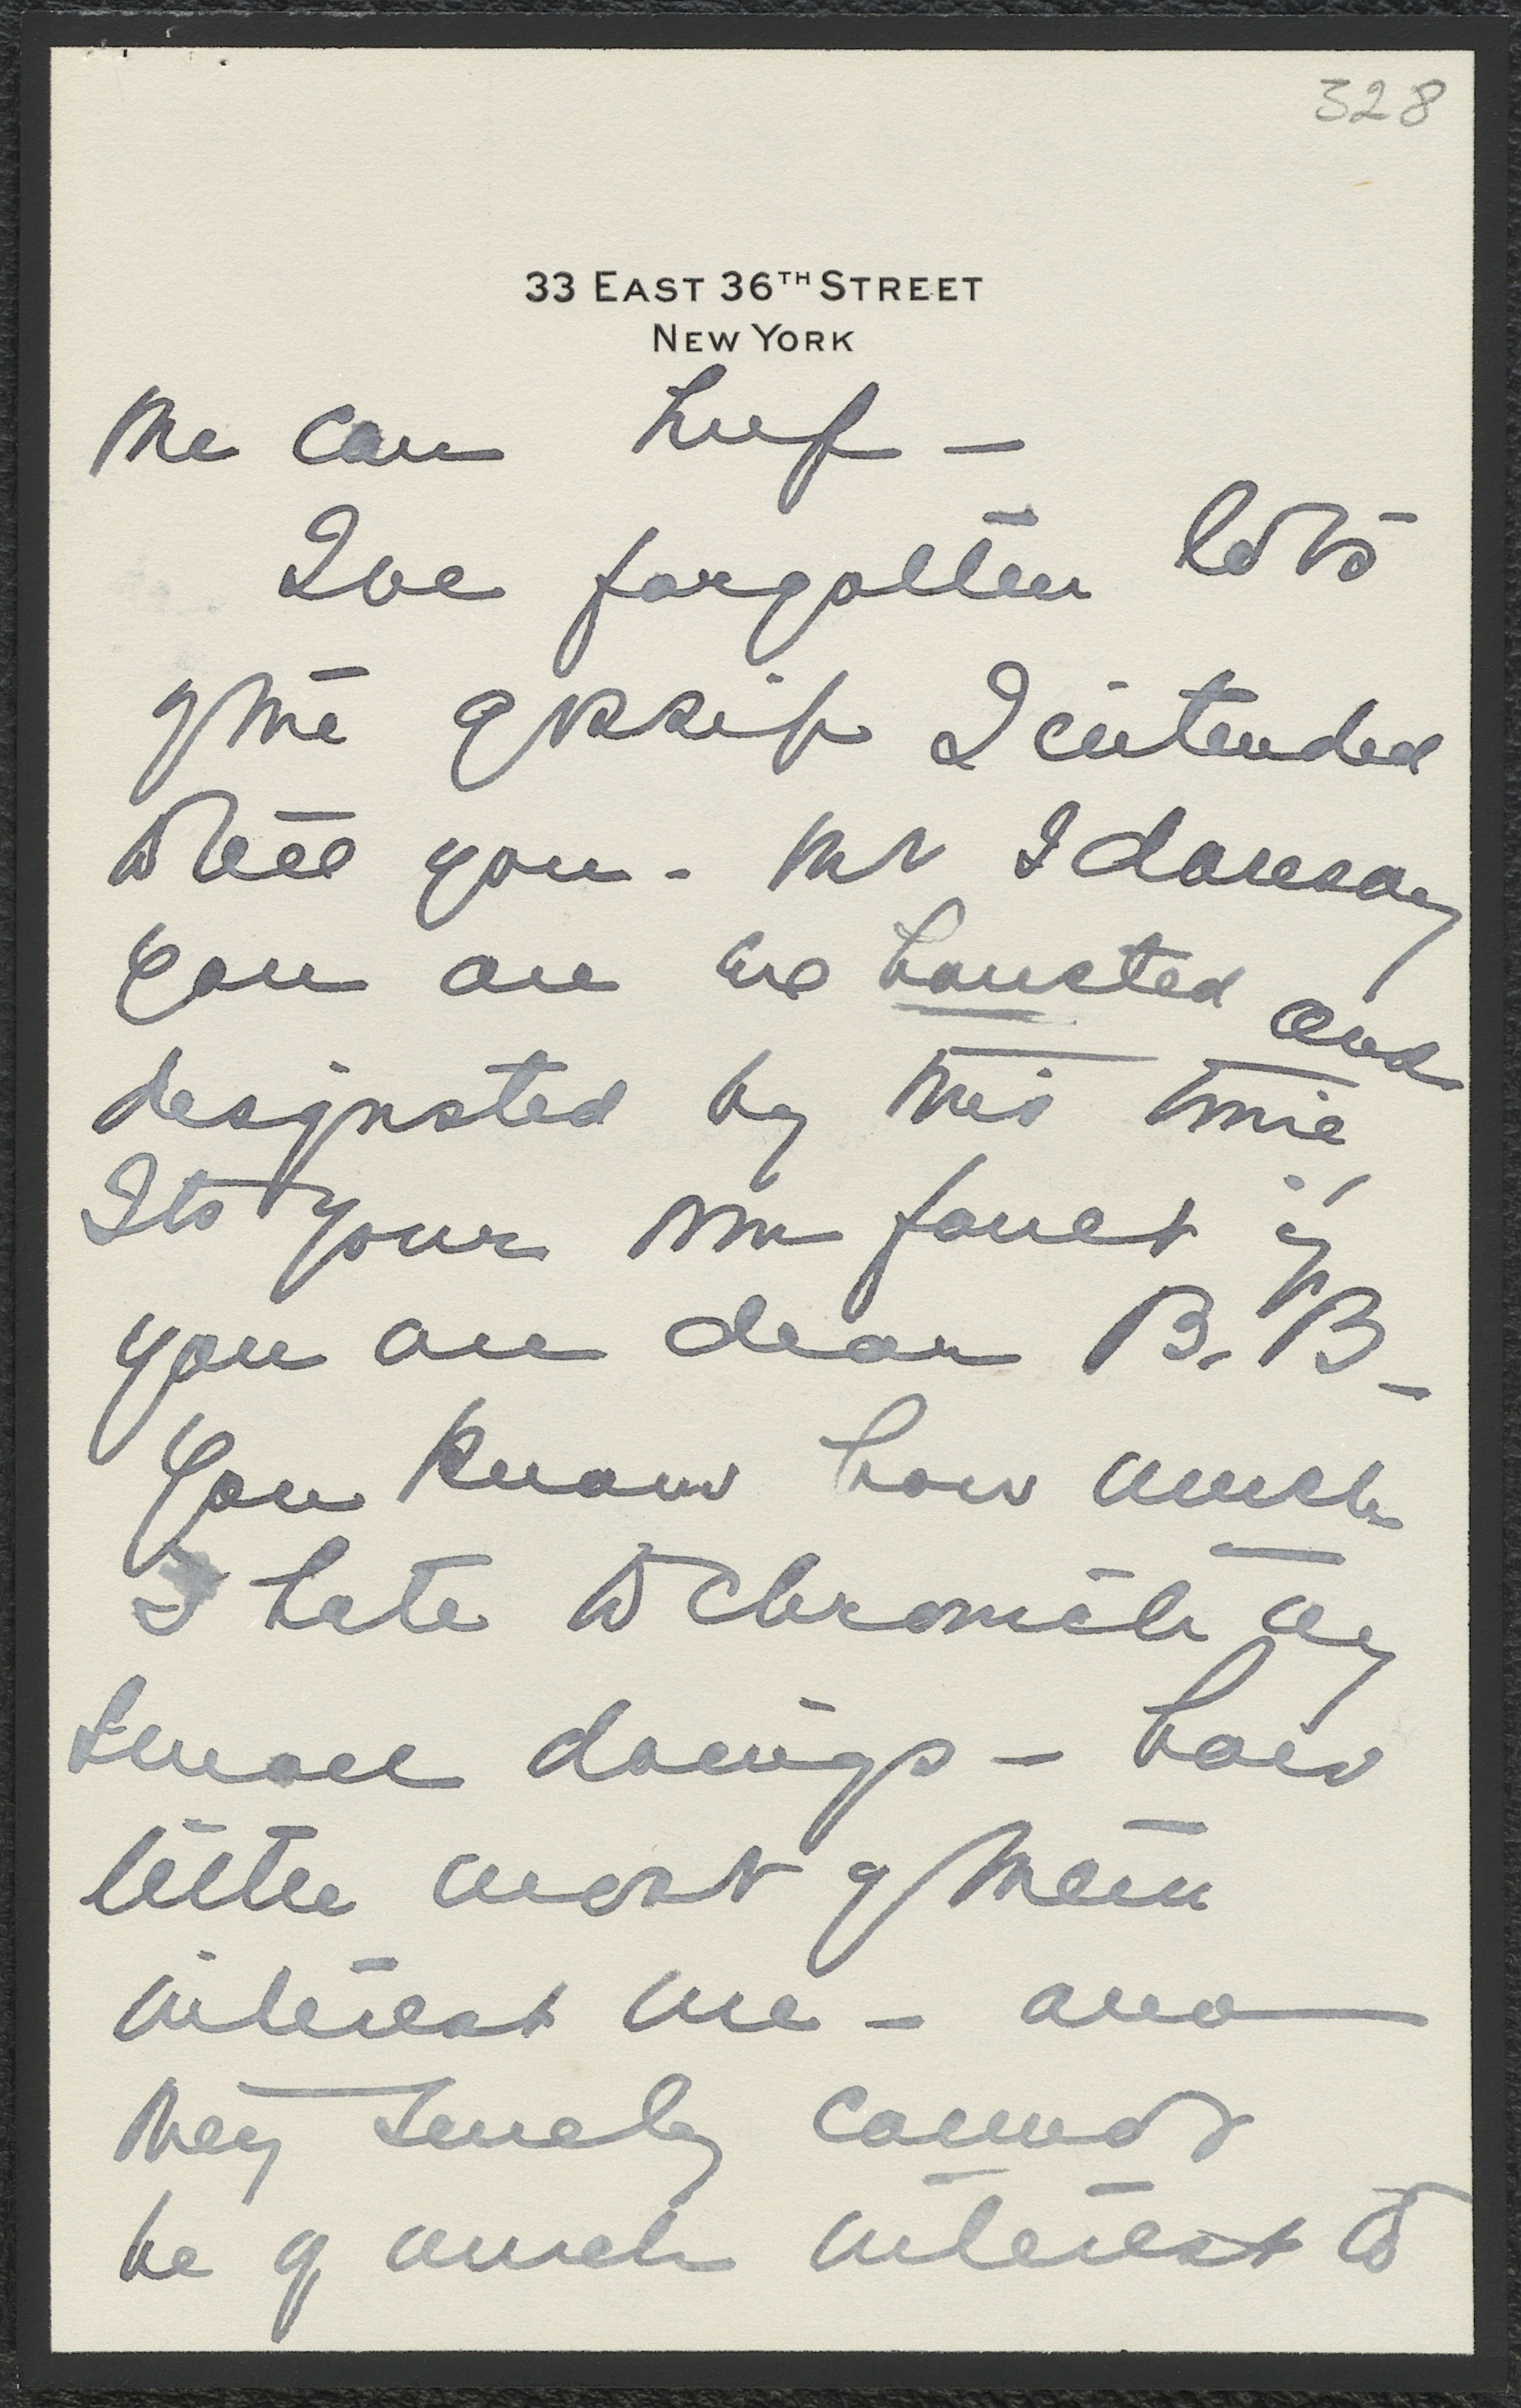we can help –
Ive [sic] forgotten lots of the gossip I intended to tell you – but I daresay you are exhausted and disgusted by this time, It’s your own fault if you are dear B. B –
You know how much I hate to chronicle my small doings – how little most of them interest me – and they surely cannot be of much interest to